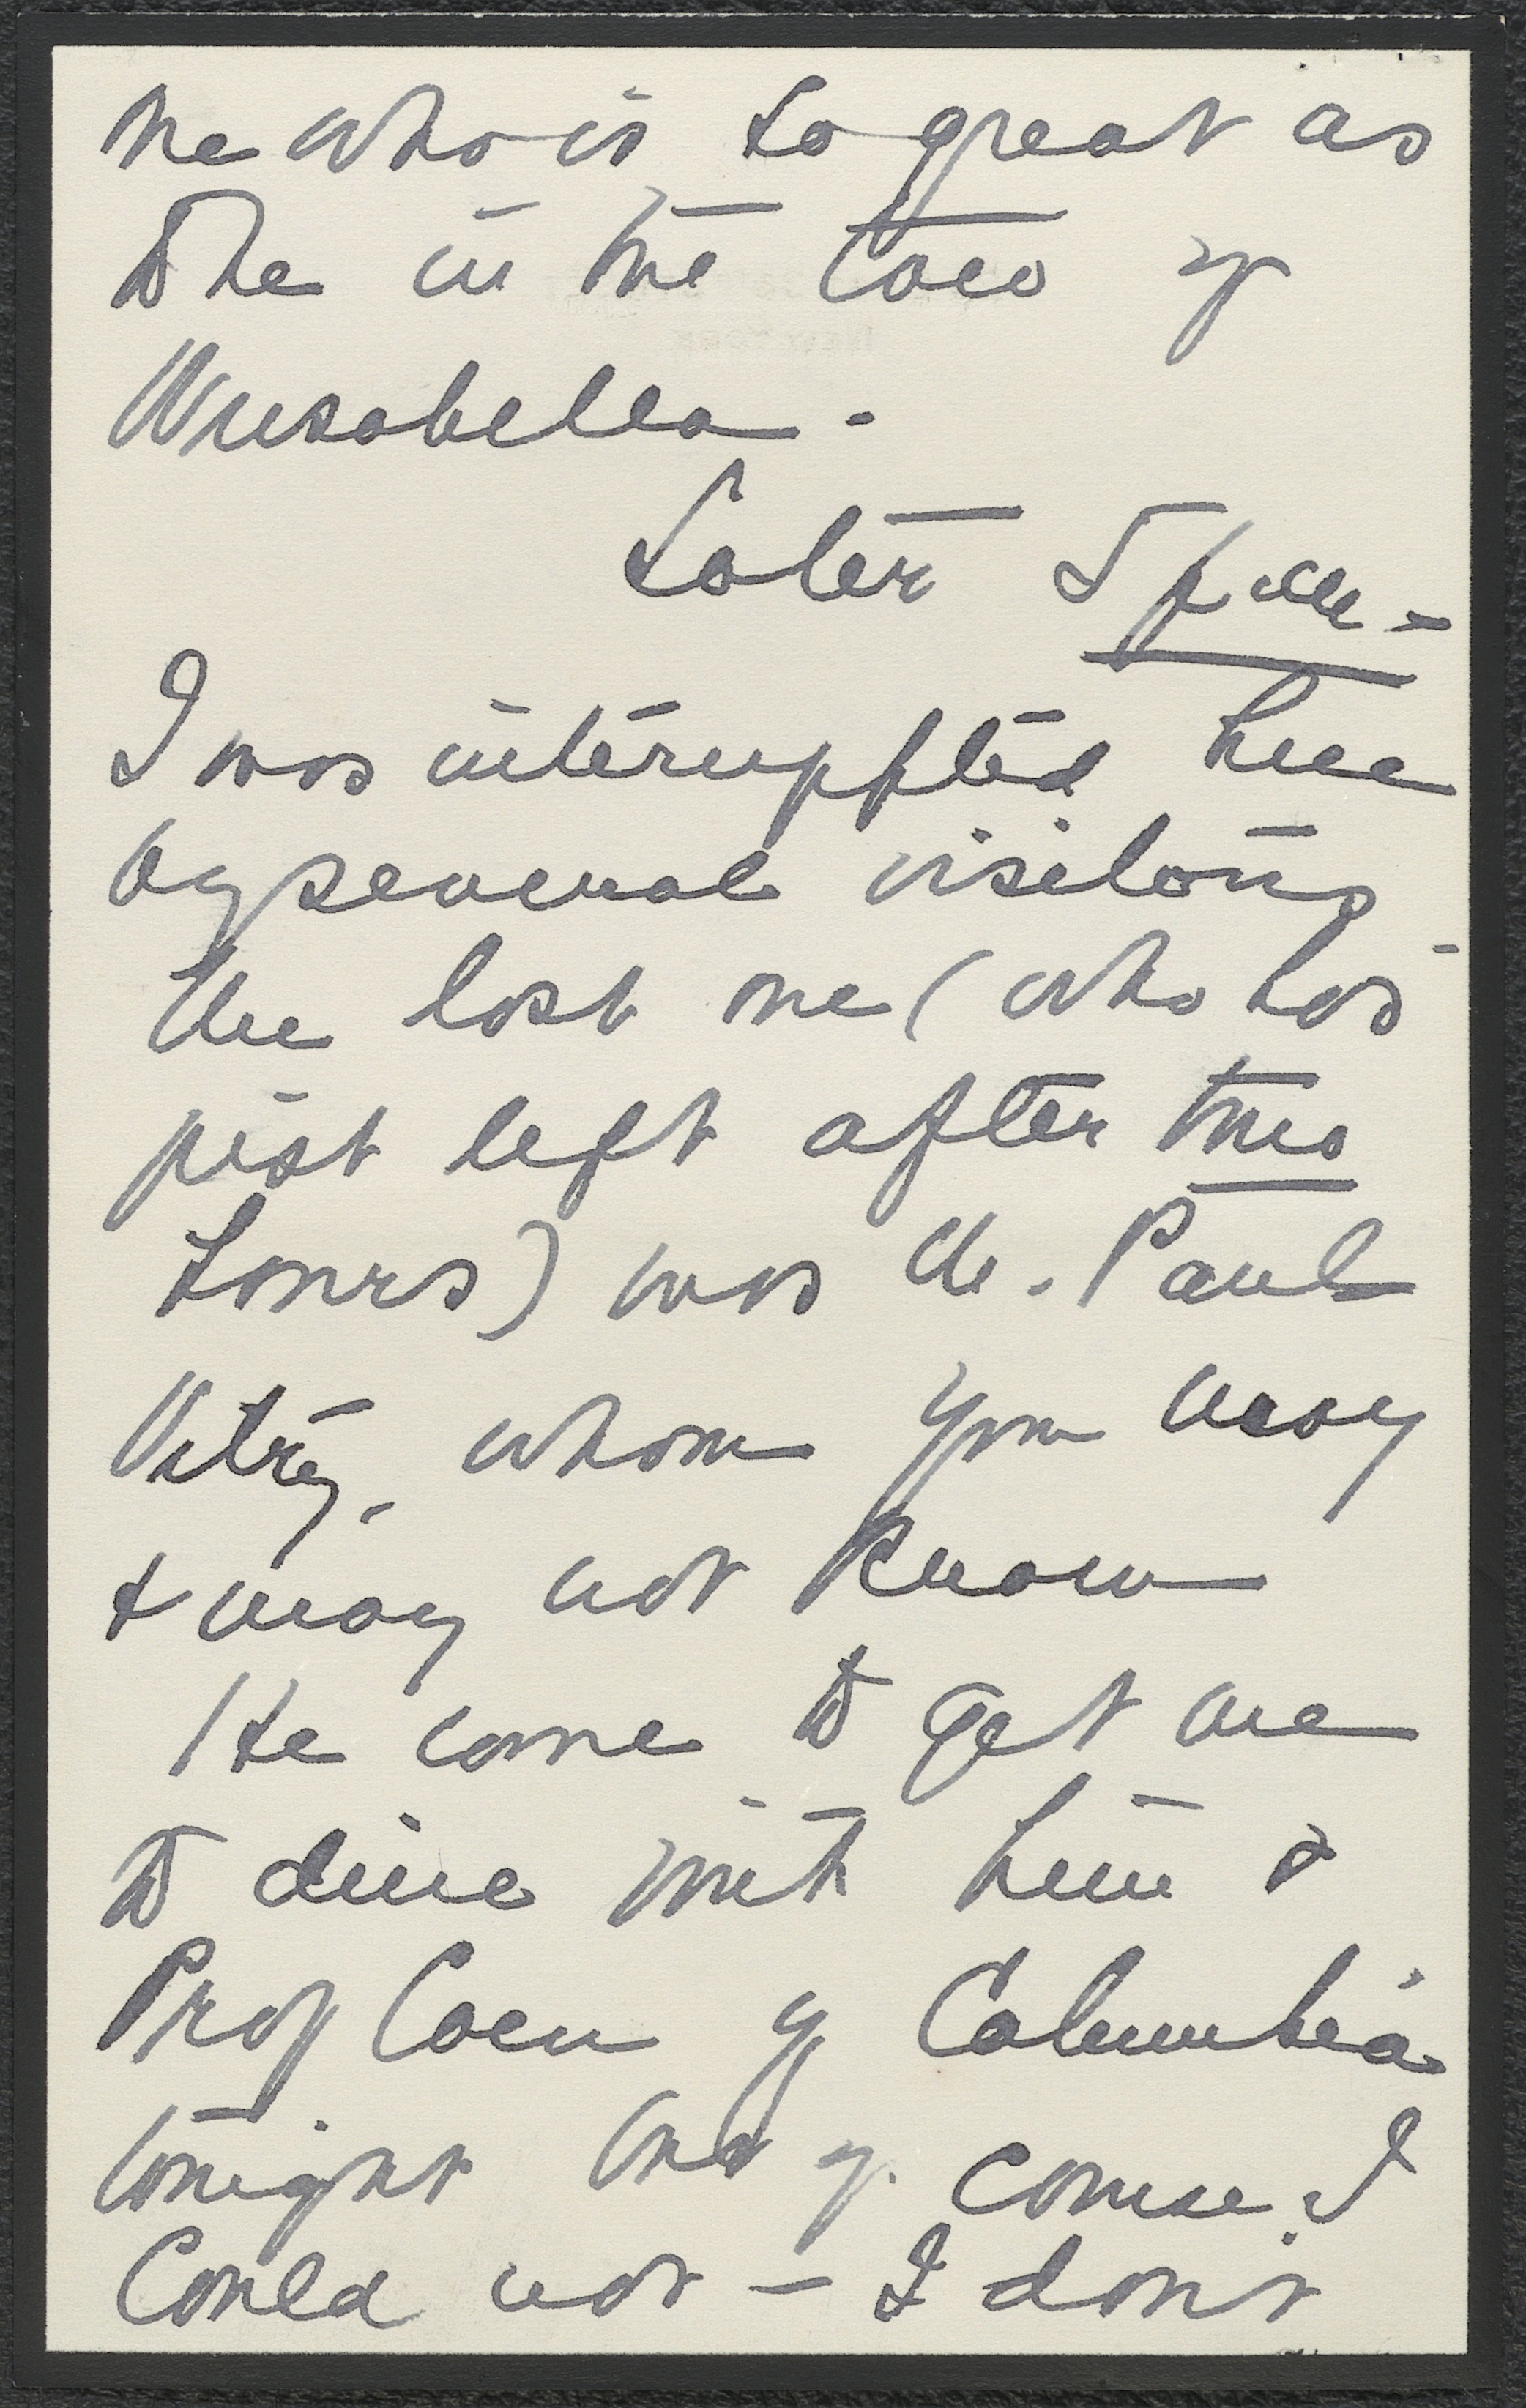one who is so great as to be in the tow of Wasabella –
Later 5 pm –
I was interuppted [sic] here by several visitors –
The last one (who has just left after two hours was M. Paul Vitry, whom you may & may not know –
He came to get me to dine with him & Prof Coen of Columbia tonight but of course I could not – I don’t